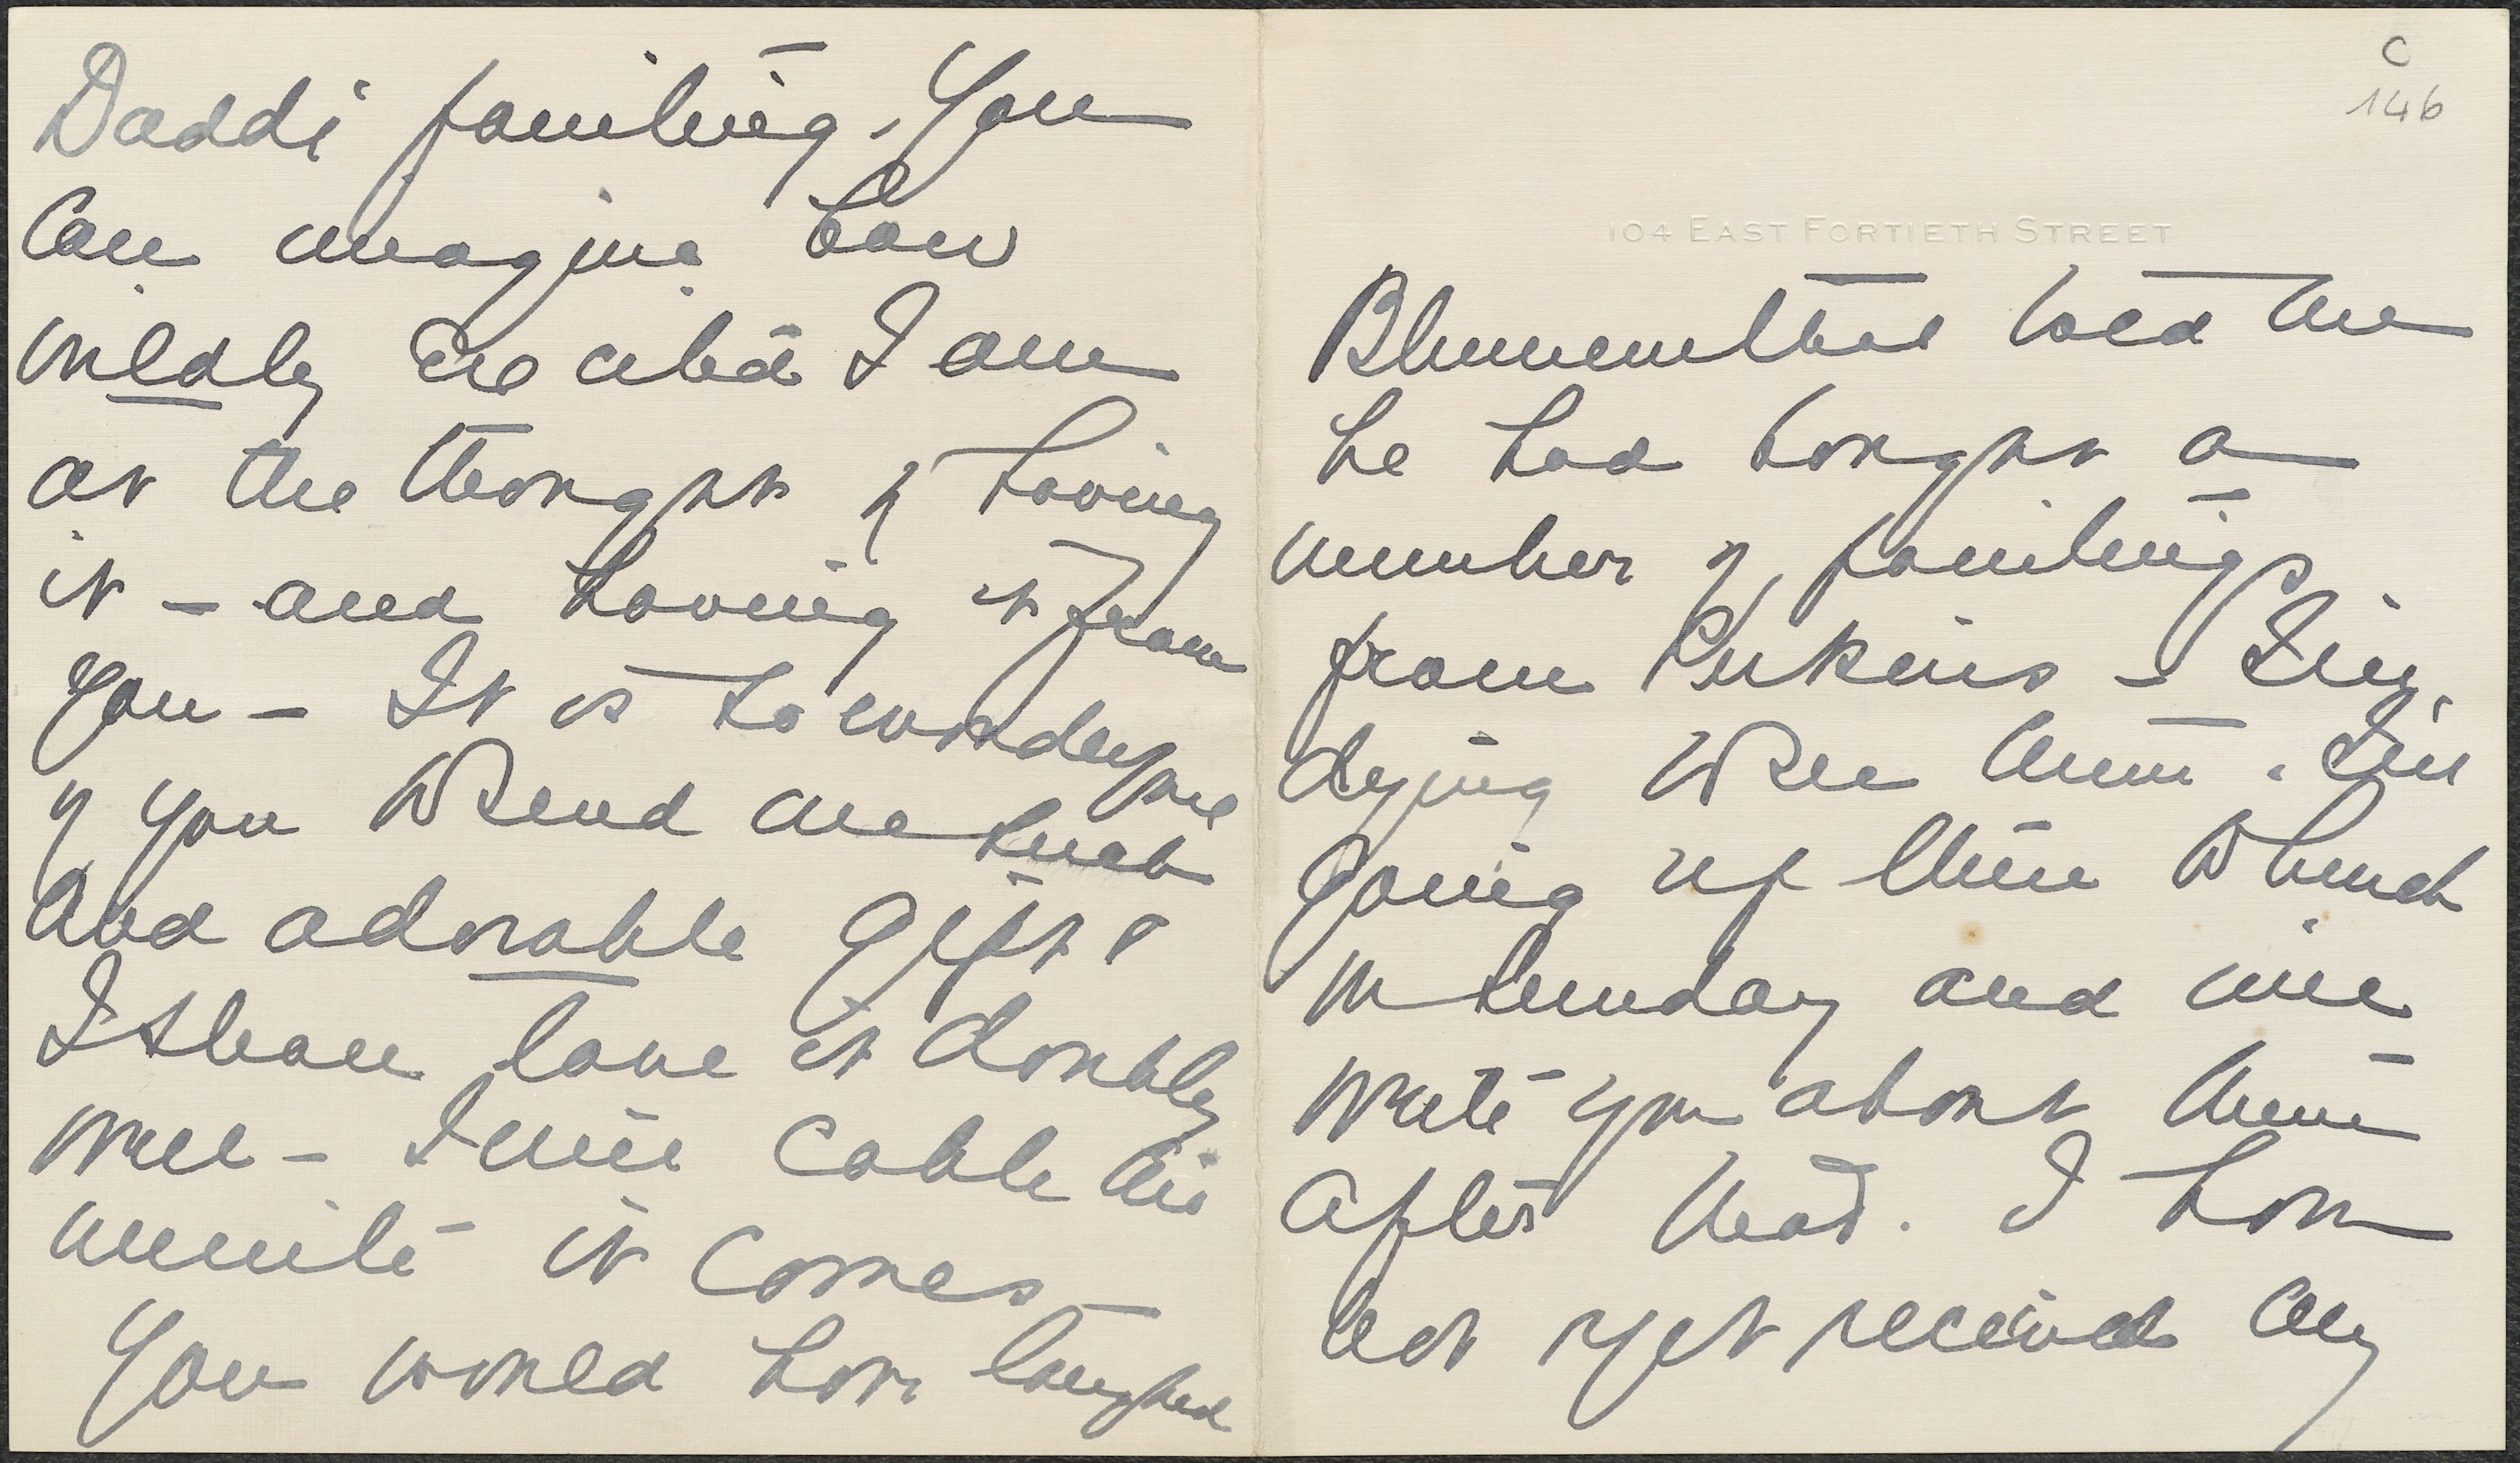Blumenthal told me he had bought a number of paintings from Perkins – I’m dying to see them. I’m going up there to lunch on Sunday and will write you about them after that. I have not yet received my
Daddi painting – You can imagine how wildly excited I am at the thought of having it – and having it from you – It is so wonderful of you to send me such and [sic] adorable gift & I shall love it doubly well – I will cable the minute it comes –
You would have laughed